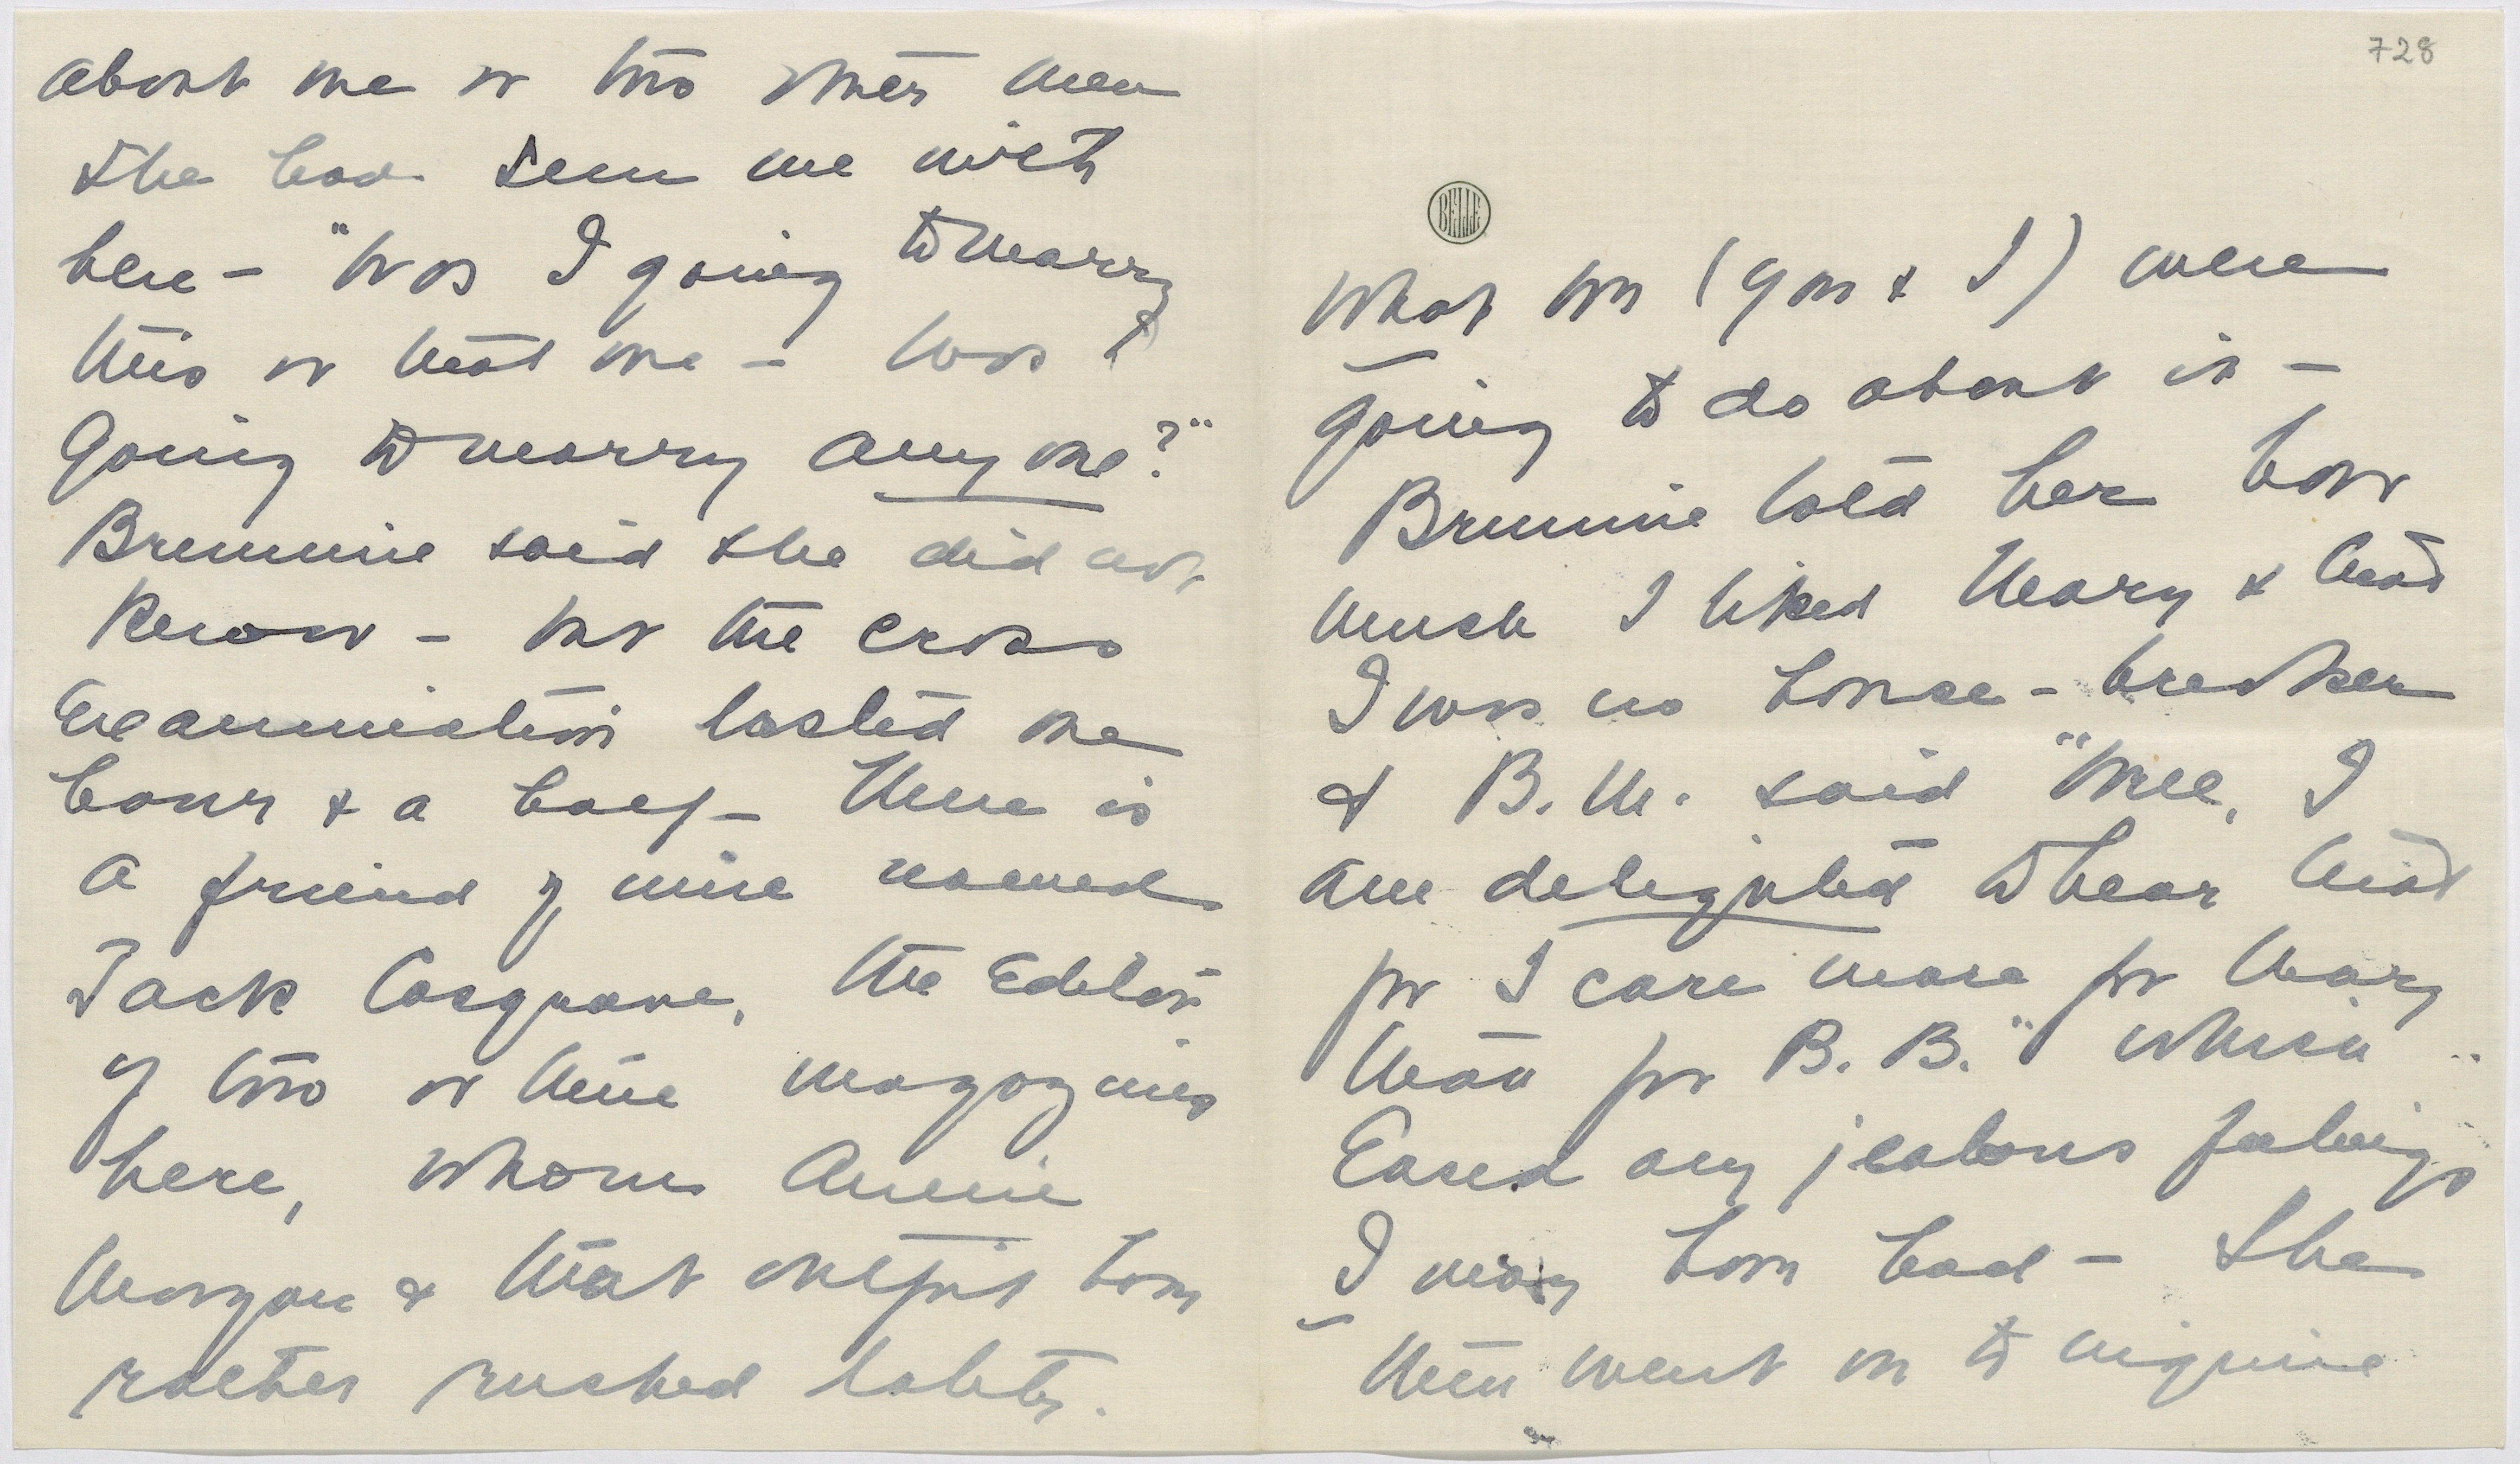what we (you & I) were going to do about it – Brunnie told her how much I liked Mary & that I was no house-breaker & B. M. said “well, I am delighted to hear that for I care more for Mary than for B. B.” which eased any jealous feelings I may have had – She then went on to inquire
about one or two other men she had seen me with here – “was I going to marry this or that one – was I going to marry any one?” Brunnie said she did not know – but the cross examination lasted one hour & a half – There is a friend of mind named Jack Cosgrave, the editor of two or three magazines here, whom Annie Morgan & that outfit have rather rushed lately.